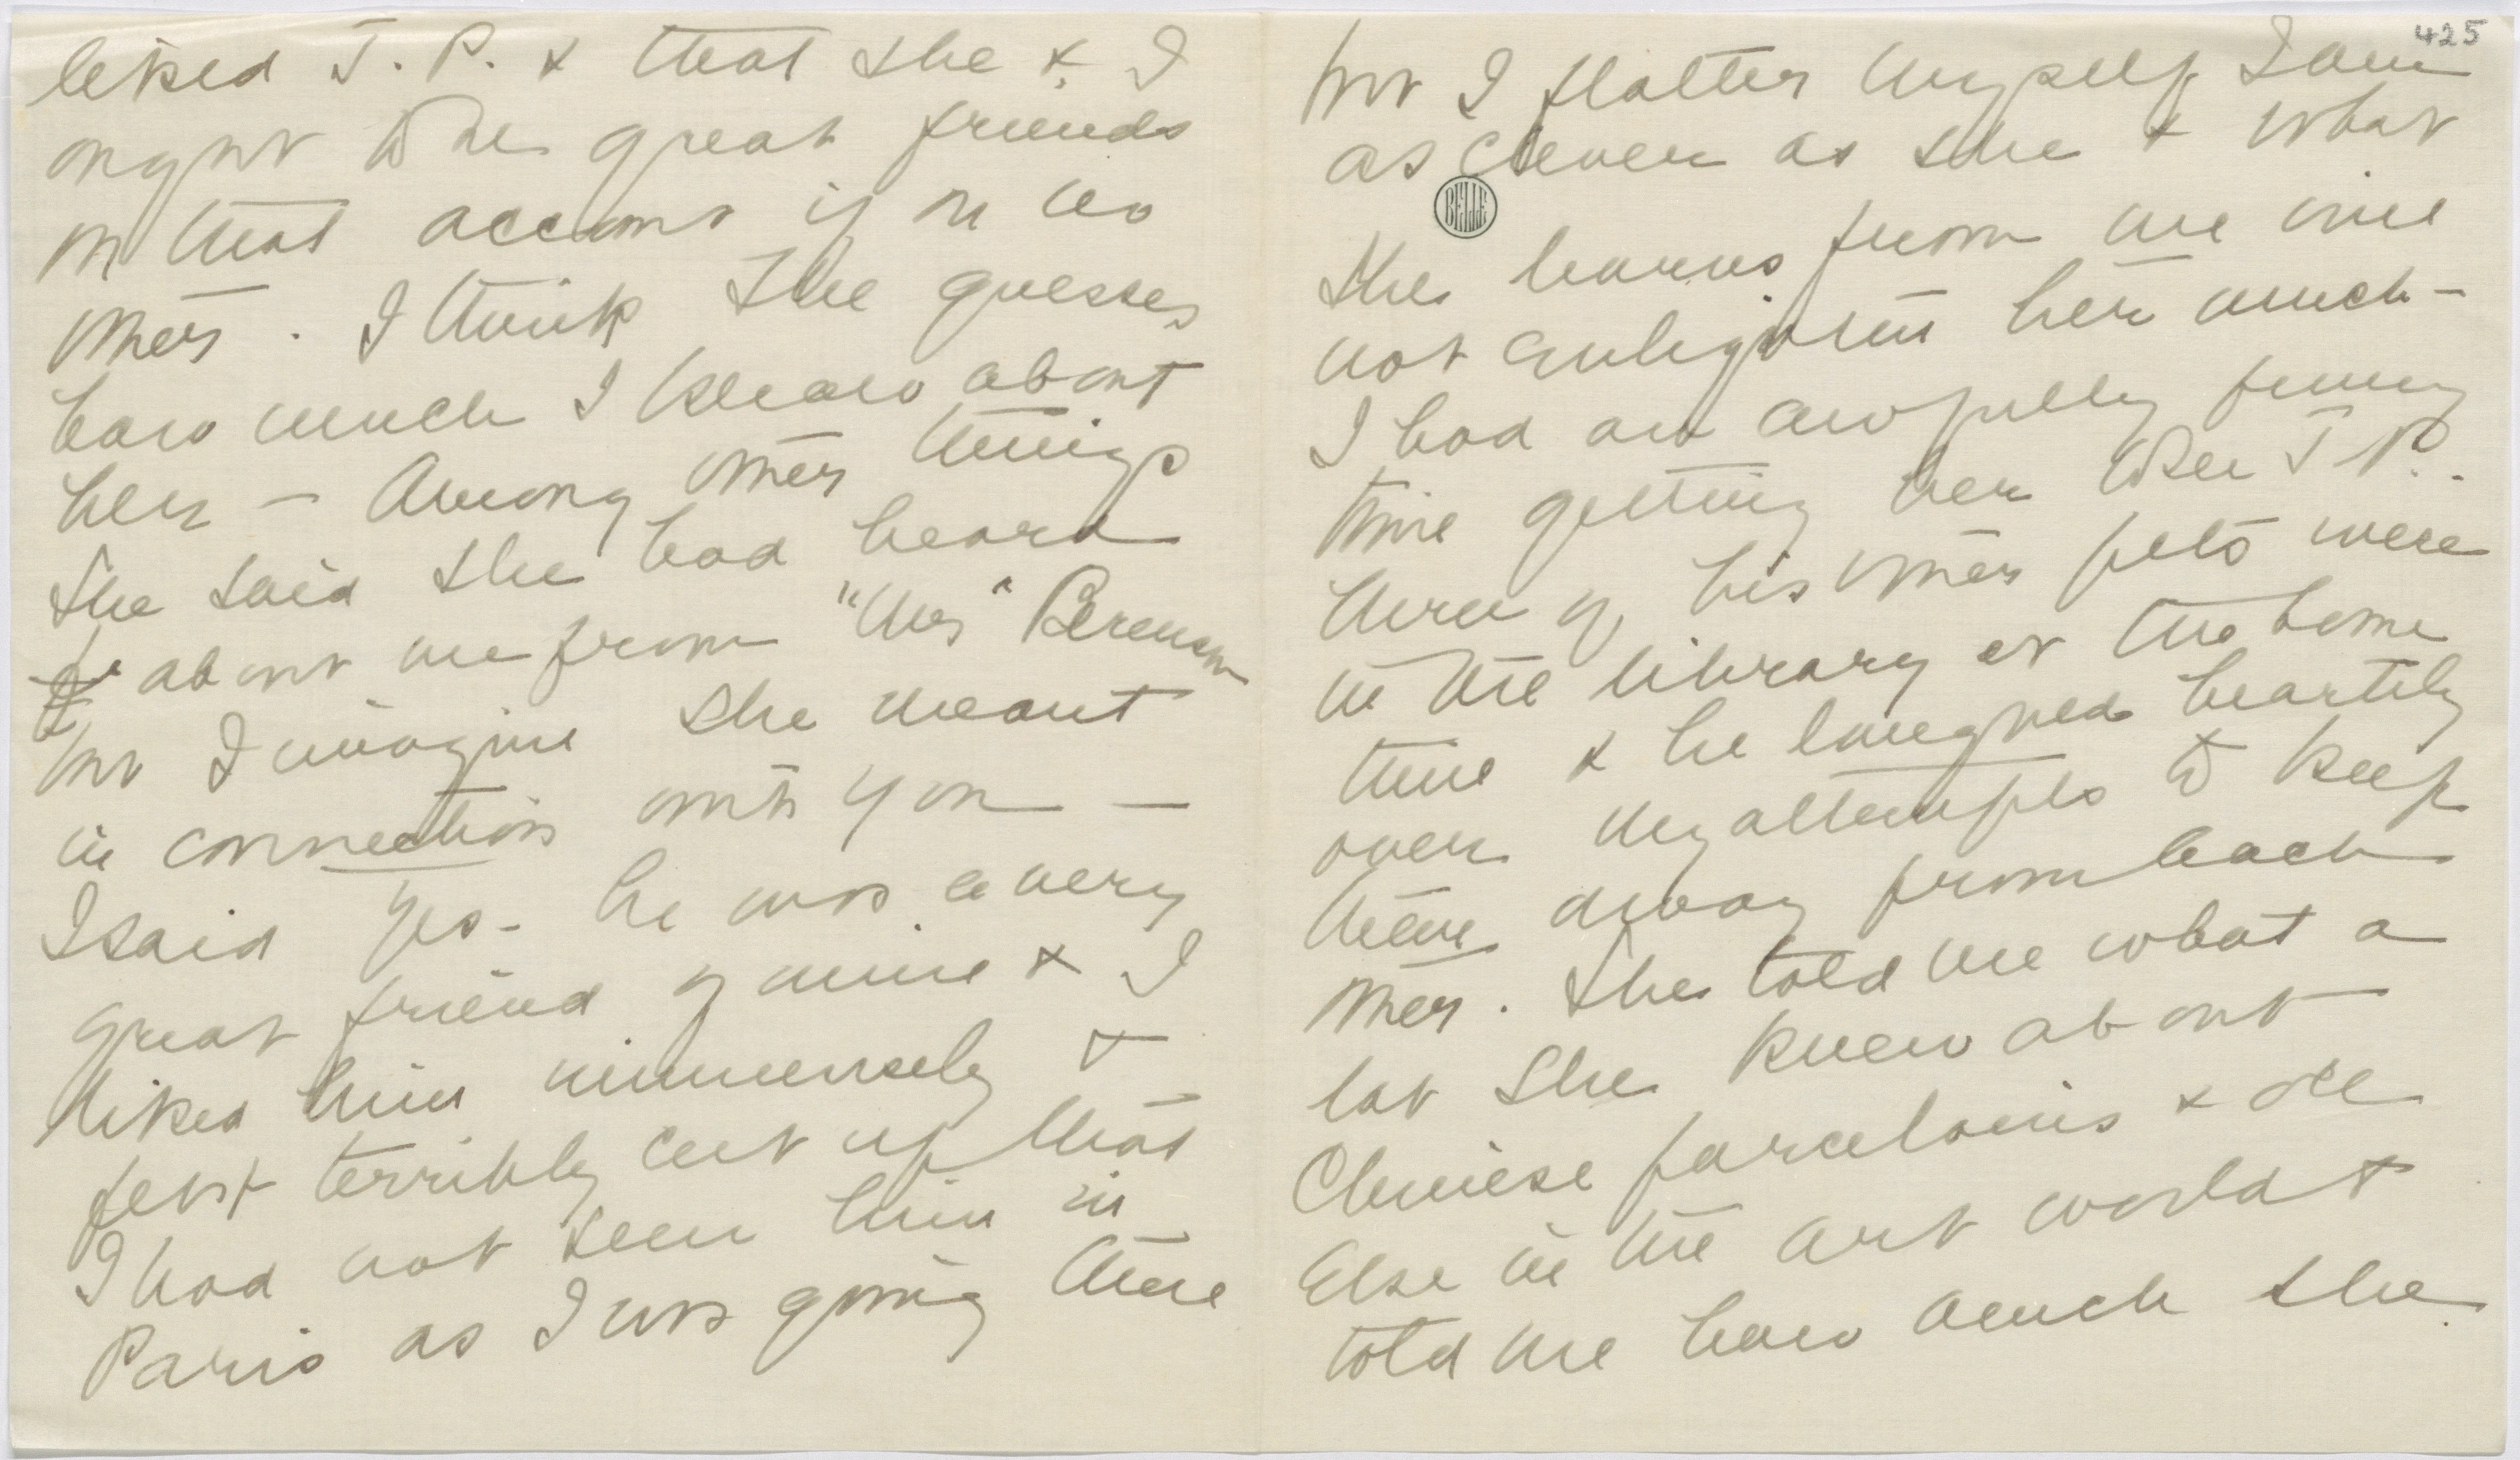but I flatter myself I am as clever as she & what she learns from me will not enlighten her much – I had an awfully funny time getting her to see J. P.. Three of his other pets were in the library at the same time & he laughed heartily over my attempts to keep them away from each other. She told me what a lot she knew about Chinese porcelains & all else in the art world & told me how much she
like J.P. & that she & I ought to be great friends on that account if on no other. I think she guesses how much I know about her – Among other things she said she had heard [illegible deletion] about me from “Mr” Berenson but I imagine she meant in connection with you – I said yes – he was a very great friend of mine & I liked him immensely & felt terribly cut up that I had not seen him in Paris as I was going there